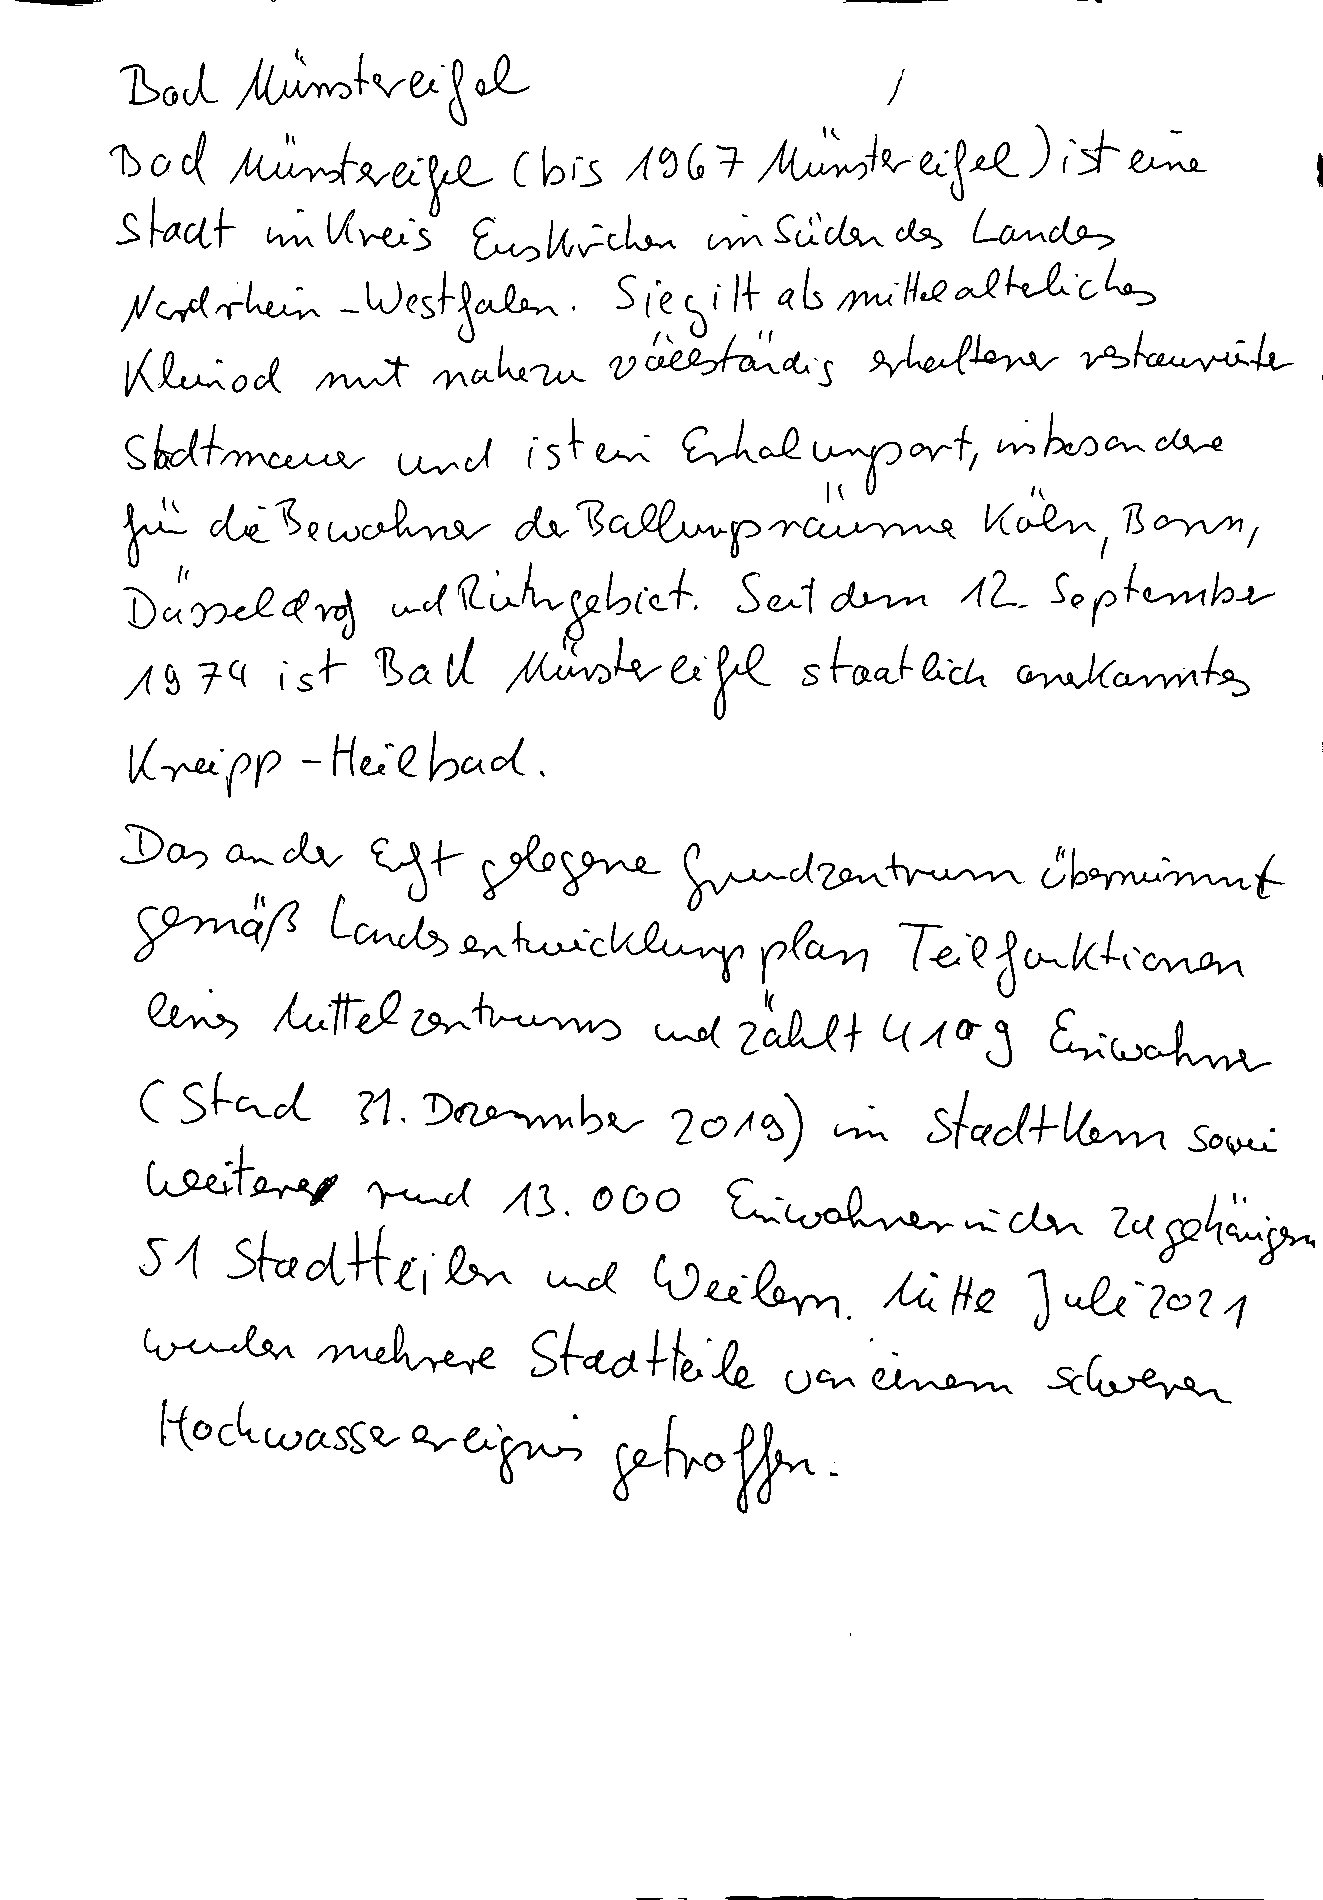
Bad Münstereifel
Bad Münstereifel (bis 1967 Münstereifel) ist eine
Stadt im Euskirchen im Süden des Landes
Nordrhein-Westfalen. Sie gilt als mittelalterliches
Kleinod mit nahezu vollständig erhaltener restaurierter
Stadtmauer und ist ein Erholungsort, insbesondere
für die Bewohner der Ballungsräume Köln, Bonn,
Düsseldorf und Ruhrgebiet. Seit dem 12.September
1974 ist Bad Münstereifel staatlich anerkanntes
Kneipp-Heilbad.
Das an der Erft gelegene Grundzentrum übernimmt
gemäß Landesentwicklungsplan Teilfunktionen
eines Mittelzentrums und zählt 4109
(Stand 31. Dezember 2019) im Stadtkern sowie
weitere rund 13.000 Einwohner in den zugehörigen
51 Stadtteilen und Weilern. Mitte Juli 2021
wurden mehrere Stadtteile von einem schweren
Hochwasserereignis getroffen.
